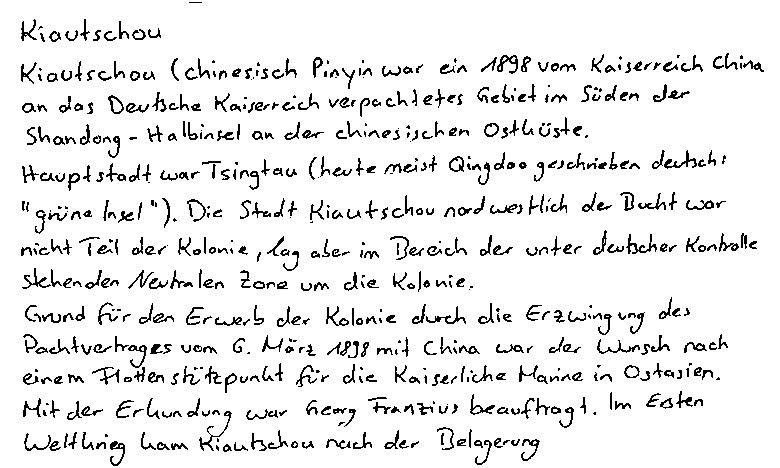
Kiautschou
Kiautschou (chinesisch Pinyin war ein 1898 vom Kaiserreich China
an das Deutsche Kaiserreich verpachtetes Gebiet im Süden der
Shandong-Halbinsel an der chinesischen Ostküste.
Hauptstadt war Tsingtau (heute meist Qingdao geschrieben deutsch:
"grüne Insel"). Die Stadt Kiautschou nordwestlich der Bucht war
nicht Teil der Kolonie, lag aber im Bereich der unter deutscher Kontrolle
stehenden Neutralen Zone um die Kolonie.
Grund für den Erwerb der Kolonie durch die Erzwingung des
Pachtvertrages vom 6. März 1898 mit China war der Wunsch nach
einem Flottenstützpunkt für die Kaiserliche Marine in Ostasien
Mit der Erkundung war Georg Franzius beauftragt. Im Ersten
Weltkrieg kam Kiautschou nach der Belagerung
